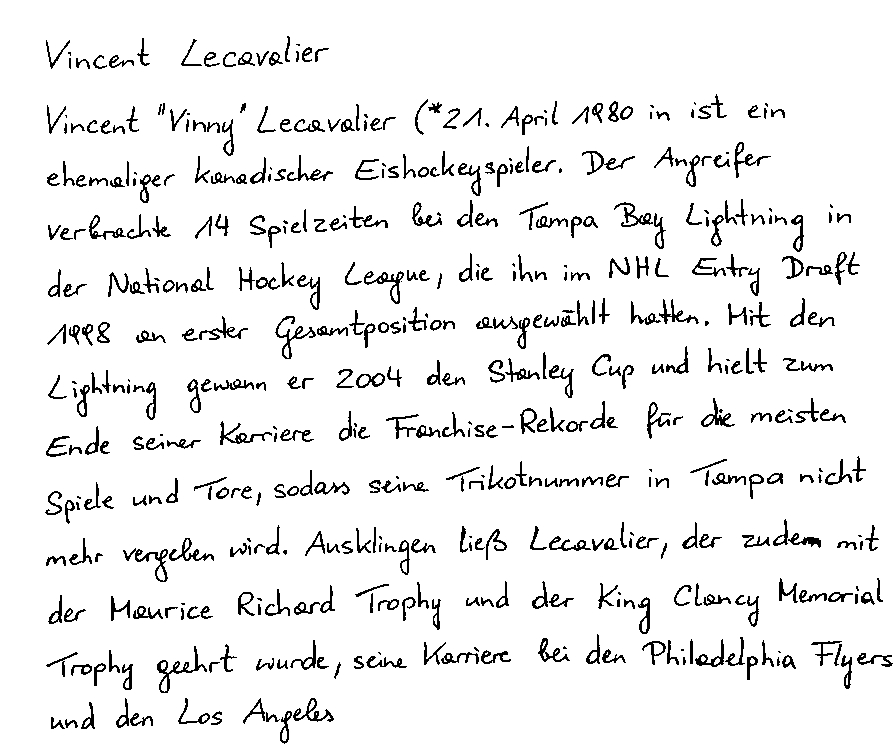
Vincent Lecavalier
Vincent "Vinny" Lecavalier (* 21. April 1980 in ist ein
ehemaliger kanadischer Eishockeyspieler. Der Angreifer
verbrachte 14 Spielzeiten bei den Tampa Bay Lightning in
der National Hockey League, die ihn im NHL Entry Draft
1998 an erster Gesamtposition ausgewählt hatten. Mit den
Lightning gewann er 2004 den Stanley Cup und hielt zum
Ende seiner Karriere die Franchise-Rekorde für die meisten
Spiele und Tore, sodass seine Trikotnummer in Tampa nicht
mehr vergeben wird. Ausklingen ließ Lecavalier, der zudem mit
der Maurice Richard Trophy und der King Clancy Memorial
Trophy geehrt wurde, seine Karriere bei den Philadelphia Flyers
und den Los Angeles
